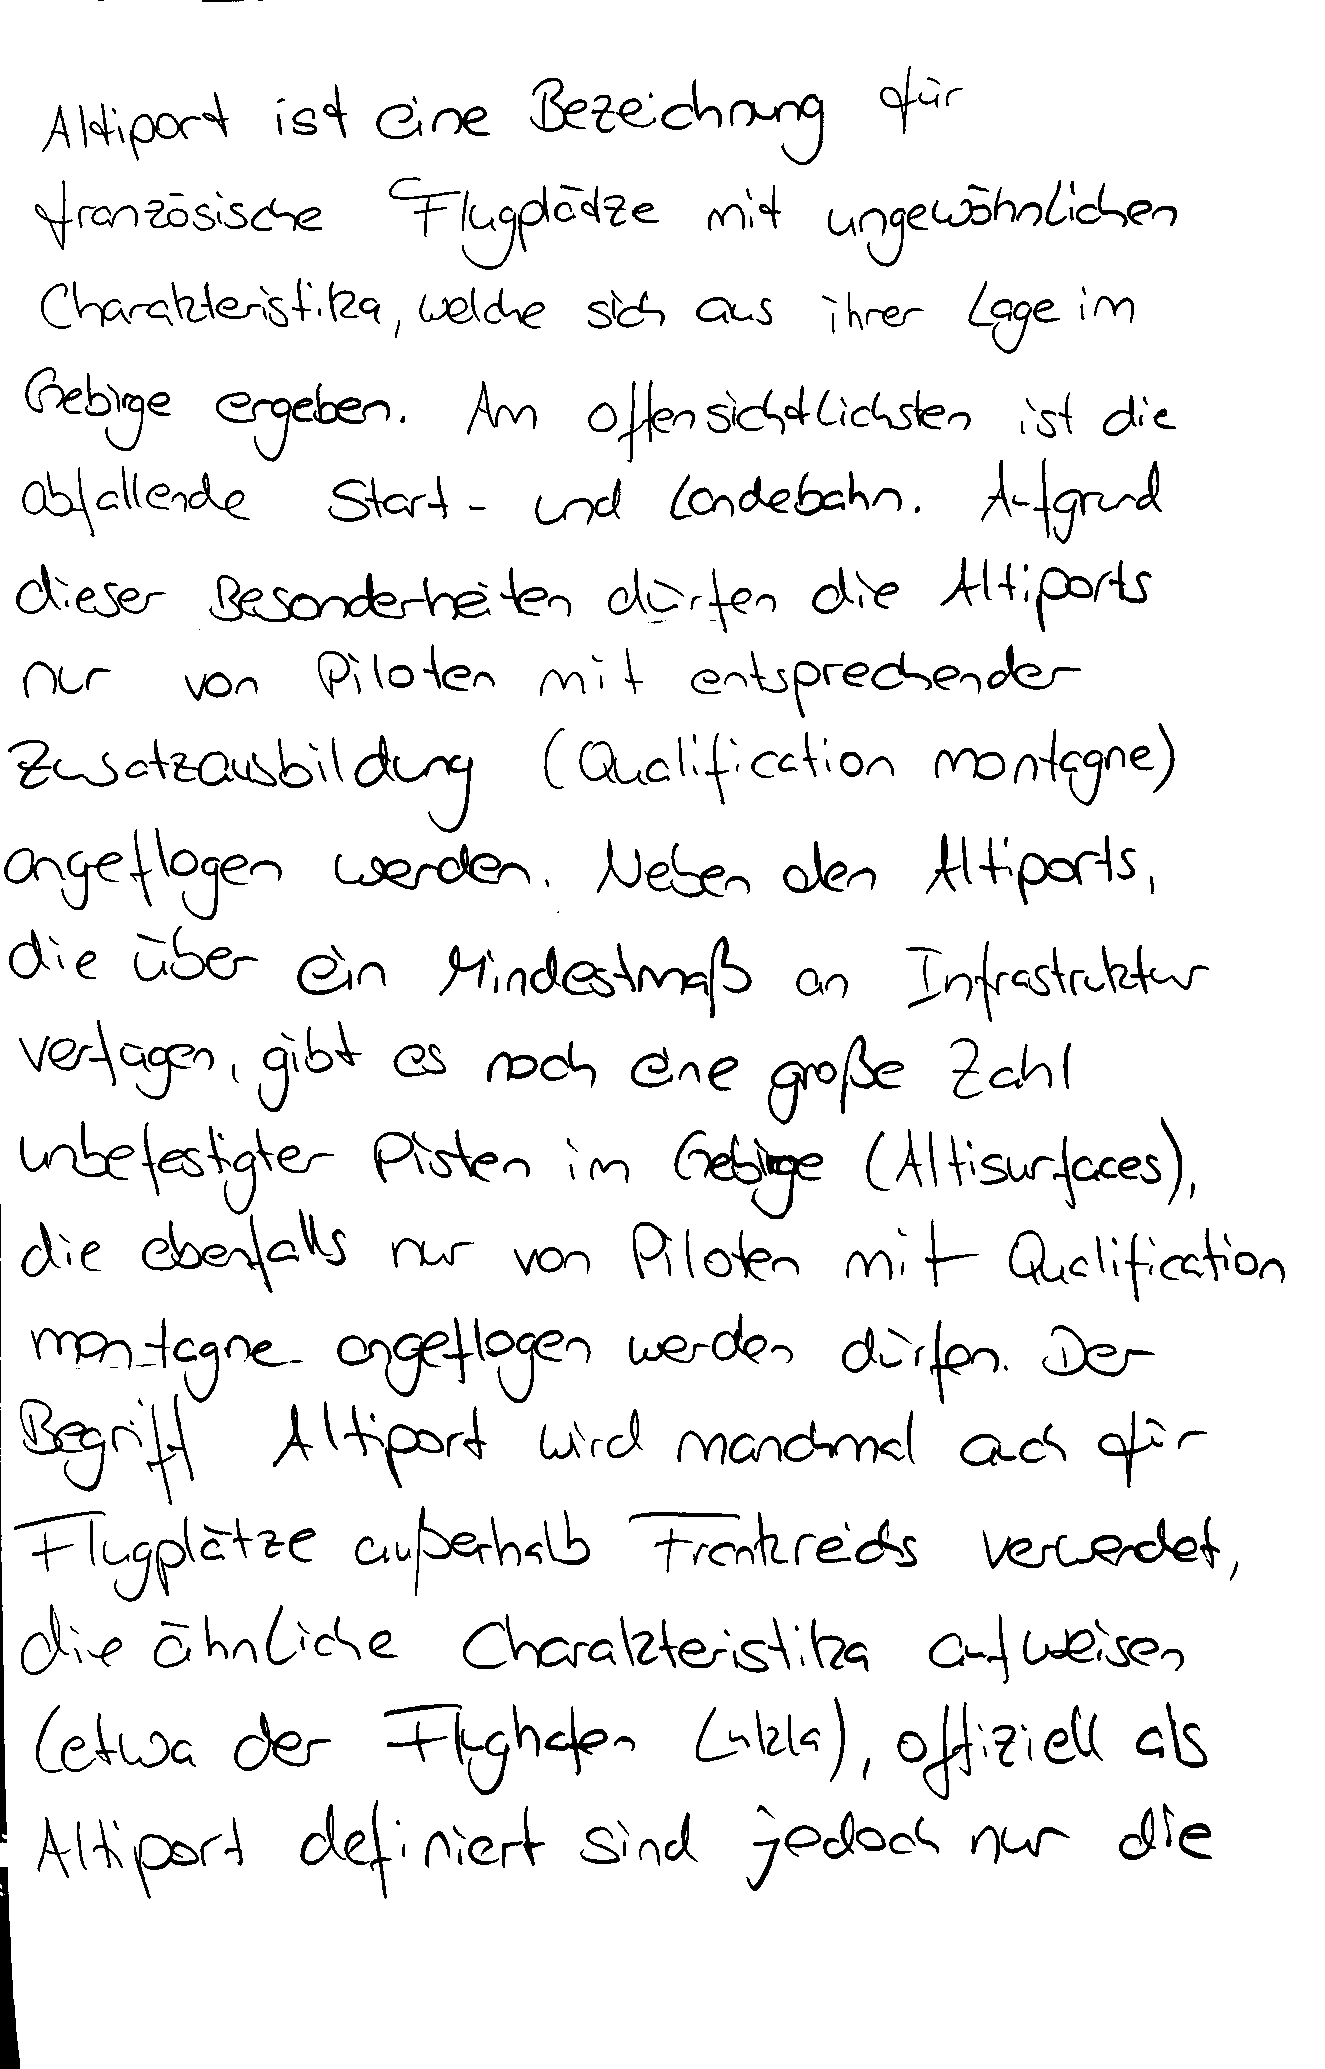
Altiport ist eine Bezeichnung für
französische Flugplätze mit ungewöhnlichen
Charakteristika, welche sich aus ihrer Lage im
Gebirge ergeben. Am offensichtlichsten ist die
abfallende Start- und Landebahn. Aufgrund
dieser Besonderheiten dürfen die Altiports
nur von Piloten mit entsprechender
Zusatzausbildung (Qualification montagne)
angeflogen werden. Neben den Altiports,
die über ein Mindestmaß an Infrastruktur
verfügen, gibt es noch eine große Zahl
unbefestigter Pisten im Gebirge (Altisurfaces),
die ebenfalls nur von Piloten mit Qualification
montagne angeflogen werden dürfen. Der
Begriff Altiport wird manchmal auch für
Flugplätze außerhalb Frankreichs verwendet,
die ähnliche Charakteristika aufweisen
(etwa der Flughafen Lukla), offiziell als
Altiport definiert sind jedoch nur die
